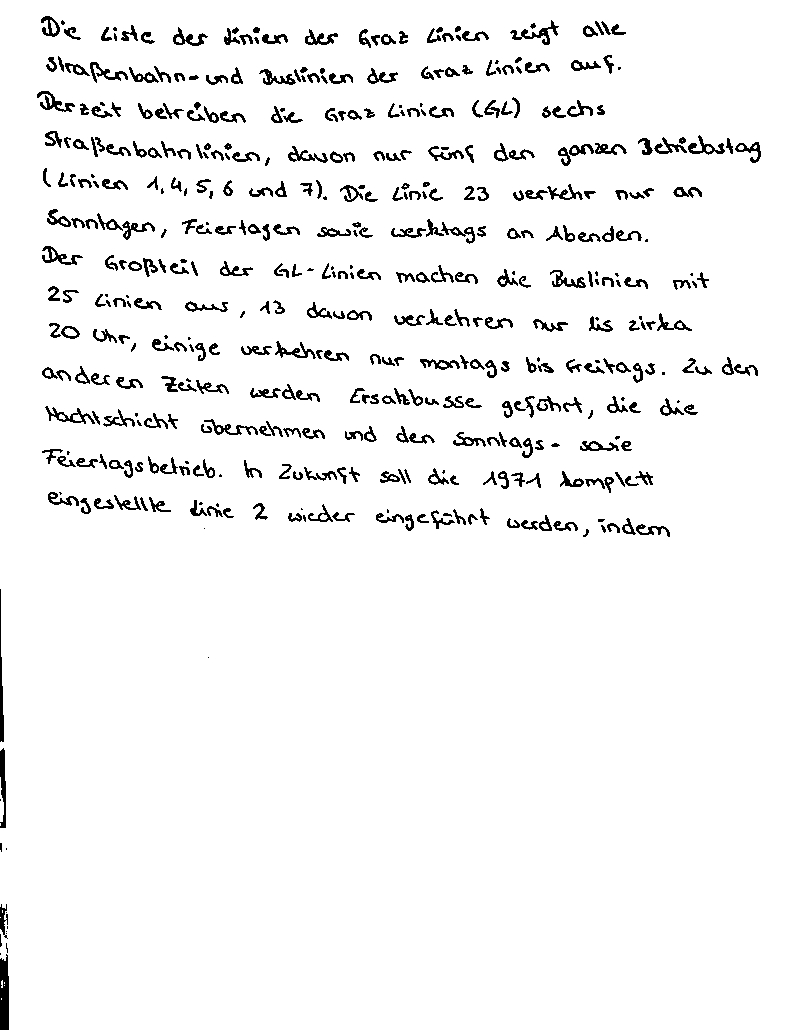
Die Liste der Linien der Graz Linien zeigt alle
Straßenbahn- und Buslinien der Graz Linien auf.
Derzeit betreiben die Graz Linien (GL) sechs
Straßenbahnlinien, davon nur fünf den ganzen Betriebstag
( Linien 1.4,5,6 und 7). Die Linie 23 verkehr nur an
Sonntagen, Feiertagen sowie werktags an Abenden.
Der Großteil der GL-Linien machen die Buslinien mit
25 Linien aus, 13 davon verkehren nur bis zirka
20 uhr, Einige verkehren nur montags bis freitags. Zu den
anderen Zeiten werden Ersatzbusse geführt, die die
Nachtschicht übernehmen und den Sonntags- sowie
Feiertagsbetrieb. In Zukunft soll die 1971 komplett
eingestellte Linie 2 wieder eingeführt werden, indem
